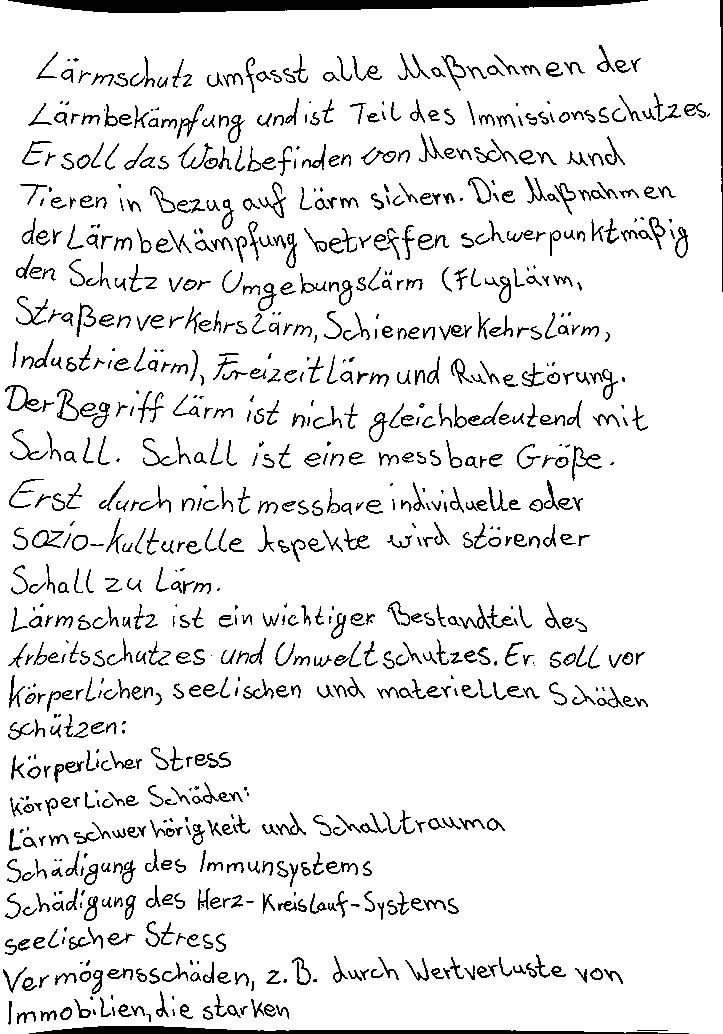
Lärmschutz umfasst alle Maßnahmen der
Lärmbekämpfung und ist Teil des Immissionsschutzes.
Er soll das Wohlbefinden von Menschen und
Tieren in Bezug auf Lärm sichern. Die Maßnahmen
der Lärmbekämpfung betreffen schwerpunktmäßig
den Schutz vor Umgebungslärm (Fluglärm,
Straßenverkehrslärm, Schienenverkehrslärm,
Industrielärm), Freizeitlärm und Ruhestörung.
Der Begriff Lärm ist nicht gleichbedeutend mit
Schall. Schall ist eine messbare Größe.
Erst durch nicht messbare individuelle oder
sozio-kulturelle Aspekte wird störender
Schall zu Lärm.
Lärmschutz ist ein wichtiger Bestandteil des
Arbeitsschutzes und Umweltschutzes. Er soll vor
körperlichen, seelischen und materiellen Schäden
schützen:
körperlicher Stress
körperliche Schäden:
Lärmschwerhörigkeit und Schalltrauma
Schädigung des Immunsystems
Schädigung des Herz-Kreislauf-Systems
seelischer Stress
Vermögensschäden, z. B. durch Wertverluste von
Immobilien, die starken
